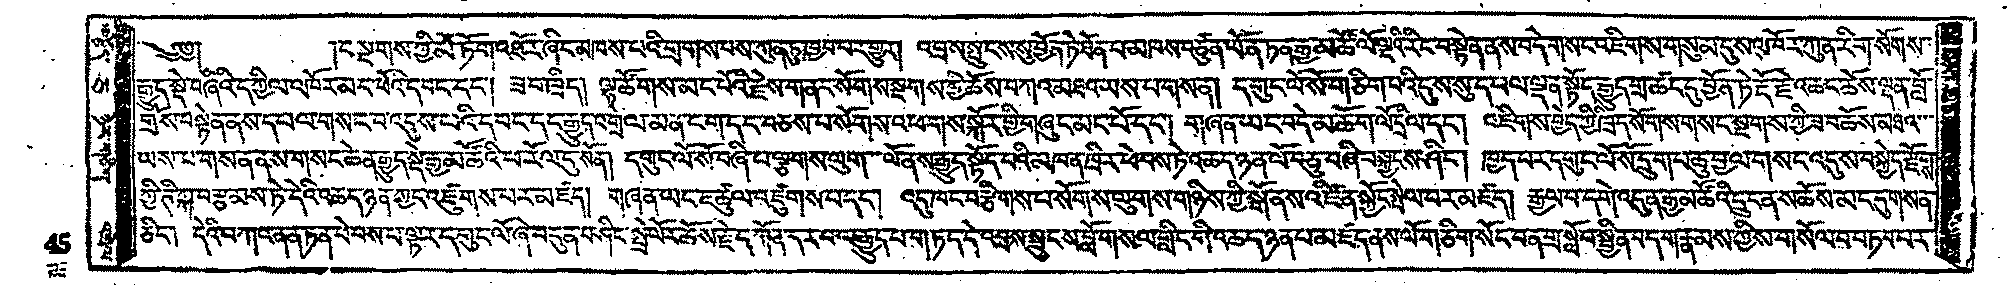༄༅། །བསྔགས་ཀྱི་མེ་ཏོག་འཐོར་ཞིང་མཁས་པའི་གྲགས་པས་ཀུན་ཏུ་ཁྱབ་པར་གྱུར། འབྲས་སྤུངས་སུ་བྱོན་ཏེ་ཐོན་པ་མཁས་བཙུན་ཡོན་ཏན་རྒྱ་མཚོ་ལོ་ལྔའི་རིང་བསྟེན་ནས་བདེ་གསང་འཇིགས་གསུམ་དུས་འཁོར་ཀུན་རིག་སོགས་
རྒྱུད་སྡེ་བཞིའི་དཀྱིལ་འཁོར་མང་ཕོའི་དབང་དང་། ཟབ་ཁྲིད། ལྷ་ཚོགས་མང་པོའི་རྗེས་གནང་སོགས་སྔགས་ཀྱི་ཆོས་བཀའ་མཐའ་ཡས་པ་གསན། དགུང་ལོ་སོ་གཅིག་པའི་དུས་སུ་དཔལ་ལྡན་སྟོད་རྒྱུད་གྲ་ཚང་དུ་བྱོན་ཏེ་རྡོ་རྗེ་འཆང་ཆོས་ལྡན་བློ་
གྲོས་བསྟེན་ནས་དཔལ་གསང་བ་འདུས་པའི་དབང་དང་རྒྱུད་འགྲེལ་མན་ངག་དང་བཅས་པ་སོགས་འཕགས་སྐོར་གྱི་གཞུང་མང་པོ་དང་། གཞན་ཡང་བདེ་མཆོག་ལོ་དྲིལ་དང་། འཇིགས་བྱེད་ཀྱི་ཁྲིད་སོགས་གསང་སྔགས་ཀྱི་ཟབ་ཆོས་མཐའ་
ཡས་པ་གསན་ནས་གསང་ཆེན་རྒྱུད་སྡེ་རྒྱ་མཚོའི་ཕ་རོལ་དུ་སོན། དགུང་ལོ་སོ་བཞི་པ་ལྕགས་ལུག་ལོ་ནས་རྒྱུད་སྟོད་པའི་མཁན་ཁྲིར་ཕེབས་ཏེ་འཆད་ཉན་ལོ་བཅུ་བཞི་བསྐྱངས་ཤིང་། ཁྱད་པར་དགུང་ལོ་སོ་དྲུག་པ་ཆུ་བྱ་ལ་གསང་འདུས་བསྐྱེད་རྫོགས་
ཀྱི་ཊིཀྐ་བརྩམས་ཏེ་དེའི་འཆད་ཉན་ཀྱང་འཛུགས་པར་མཛད། གཞན་ཡང་ཇ་ཚུལ་འཛུགས་པ་དང་། འདུ་ཁང་བརྩིགས་པ་སོགས་ལུགས་གཉིས་ཀྱི་སྒོ་ནས་འཛིན་སྐྱོང་སྤེལ་བར་མཛད། རྒྱལ་བ་དགེ་འདུན་རྒྱ་མཚོའི་དྲུང་ནས་ཆོས་མང་དུ་གསན་
ཅིང་། དེའི་བཀའ་ནན་ཏན་ཕེབས་པ་ལྟར་དགུང་ལོ་ཞེ་བདུན་པ་ཤིང་སྤྲེ་ལོར་ཆོས་རྗེ་དཀོན་དར་བ་ལ་རྒྱུད་པ་གཏད་དེ་འབྲས་སྤུངས་བློ་གསལ་གླིང་གི་འཆད་ཉན་པ་མཛད་ནས་ལོ་གཅིག་སོང་བ་ན་གྲ་སློབ་སྦྱིན་བདག་རྣམས་ཀྱིས་གསོལ་བ་བཏབ་པར་